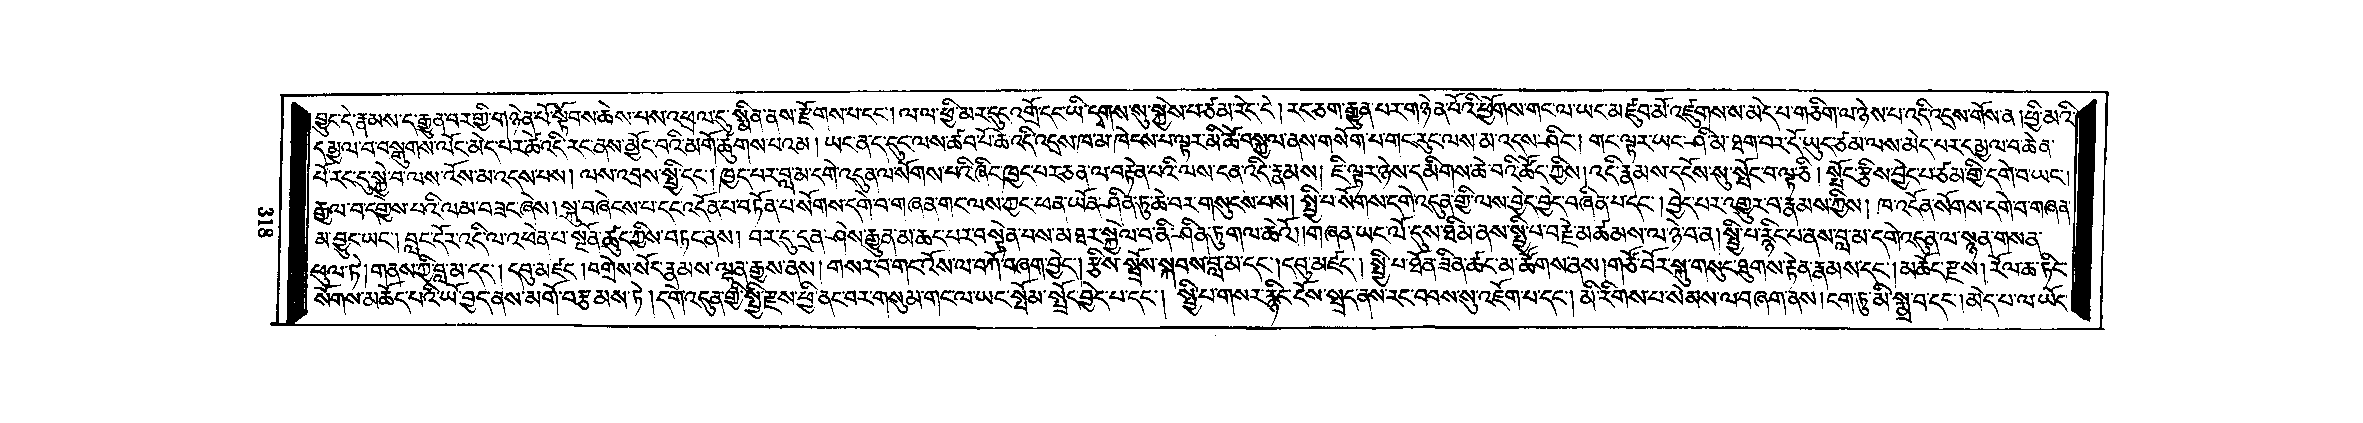བྱུང་དེ་རྣམས་ད་རྒྱུན་བར་གྱི་གཉེན་པོ་སྟོབས་ཆེས་པས་འཕྲལ་དུ་སྨིན་ནས་རྫོགས་པ་དང་། ལ་ལ་ཕྱི་མར་དུད་འགྲོ་དང་ཡི་དྭགས་སུ་སྐྱེས་པ་ཙམ་རེད་དེ། རང་ཅག་རྒྱུན་པར་གཉེན་པོའི་ཕྱོགས་གང་ལ་ཡང་མཛུབ་མོ་འཛུགས་ས་མེད་པ་གཅིག་ལ་ཉེས་པ་འདི་འདྲས་གོས་ན། ཕྱི་མའི་
དམྱལ་བ་བསྒུགས་ལོང་མེད་པར་ཚེ་འདི་རང་ནས་མྱོང་བའི་མགོ་ཚུགས་པའམ། ཡང་ན་ད་དུང་ལས་ཚབ་པོ་ཆེ་འདི་འདྲས་ཁ་མ་ཁེངས་པ་ལྟར་མི་ཚེ་བསྐྱལ་ནས་གསོག་པ་གང་རུང་ལས་མ་འདས་ཤིང་། གང་ལྟར་ཡང་ཤི་མ་ཐག་བར་དོ་ཡུད་ཙམ་ལས་མེད་པར་དམྱལ་བ་ཆེན་
པོ་རང་དུ་སྐྱེ་བ་ལས་འོས་མ་འདས་པས། ལས་འབྲས་སྤྱི་དང་། ཁྱད་པར་བླ་མ་དགེ་འདུན་ལ་སོགས་པའི་ཞིང་ཁྱད་པར་ཅན་ལ་བརྟེན་པའི་ལས་ངན་འདི་རྣམས། ཇི་ལྟར་ཉེས་དམིགས་ཆེ་བའི་ཚོད་ཀྱིས། འདི་རྣམས་དངོས་སུ་སྤོང་བ་ལྟ་ཅི། སྤོང་རྩིས་བྱེད་པ་ཙམ་གྱི་དགེ་བ་ཡང་།
རྒྱལ་བ་དགྱེས་པའི་ལམ་བཟང་ཞེས། སྐུ་བཞེངས་པ་དང་འདོན་པ་བཏོན་པ་སོགས་དགེ་བ་གཞན་གང་ལས་ཀྱང་ཕན་ཡོན་ཤིན་ཏུ་ཆེ་བར་གསུངས་པས། སྤྱི་པ་སོགས་དགེ་འདུན་གྱི་ལས་བྱེད་བྱེད་བཞིན་པ་དང་། བྱེད་པར་འགྱུར་བ་རྣམས་ཀྱིས། ཁ་འདོན་སོགས་དགེ་བ་གཞན་
མ་བྱུང་ཡང་། བླང་དོར་འདི་ལ་འཕེན་པ་སྔོན་ཚུད་ཀྱིས་བཏང་ནས། བར་དུ་དྲན་ཤེས་རྒྱུན་མ་ཆད་པར་བསྟེན་པས་མཐར་སྐྱེལ་བ་ནི་ཤིན་ཏུ་གལ་ཆེའོ། །གཞན་ཡང་ལོ་དུས་ཐིམ་ནས་སྤྱི་པ་བརྗེ་མཚམས་ལ་ཉེ་བ་ན། སྤྱི་པ་རྙིང་པ་ནས་བླ་མ་དགེ་འདུན་ལ་སྙན་གསན་
ཕུལ་ཏེ། གནས་ཀྱི་བླ་མ་དང་། དབུ་མཛད། བགྲེས་སོང་རྣམས་ལྷན་རྒྱས་ནས། གསར་བ་གང་འོས་ལ་བཀོ་བཞག་བྱེད། རྩིས་སྤྲོས་སྐབས་བླ་མ་དང་། དབུ་མཛད། སྤྱི་པ་ཐོན་ཟིན་ཚང་མ་ཚོགས་ནས། གཙོ་བོར་སྐུ་གསུང་ཐུགས་རྟེན་རྣམས་དང་། མཆོད་རྫས། རོལ་ཆ་ཏིང་
སོགས་མཆོད་པའི་ཡོ་བྱད་ནས་མགོ་བརྩམས་ཏེ། དགེ་འདུན་གྱི་སྤྱི་རྫས་ཕྱི་ནང་བར་གསུམ་གང་ལ་ཡང་སྤོམ་སྤྲོད་བྱེད་པ་དང་། སྤྱི་པ་གསར་རྙིང་ངོས་སྤྲད་ནས་རང་བབས་སུ་འཇོག་པ་དང་། མི་རིགས་པ་སེམས་ལ་བཞག་ནས། ངག་ཏུ་མི་སྨྲ་བ་དང་། མེད་པ་ལ་ཡོད་